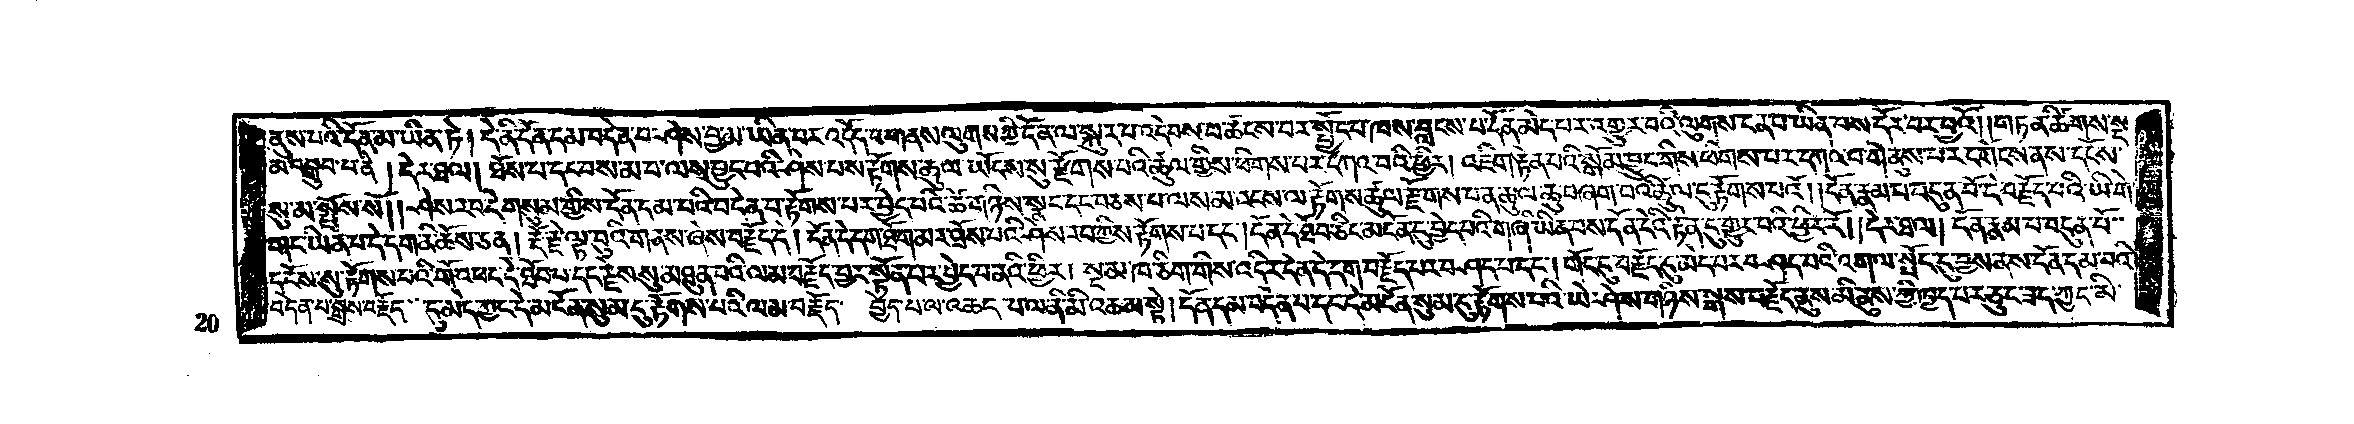ནུས་པའི་དོན་མ་ཡིན་ཏེ། དེ་ནི་དོན་དམ་བདེན་པ་ཤེས་བྱ་མ་ཡིན་པར་འདོད་པ་གནས་ལུགས་ཀྱི་དོན་ལ་སྐུར་པ་འདེབས་པ་ཚངས་པར་སྤྱོད་པ་ཁས་བླངས་པ་དོན་མེད་པར་འགྱུར་བའི་ལུགས་ངན་པ་ཡིན་པས་དོར་བར་བྱའོ། །གཏན་ཚིགས་སྔ་
མ་བསྒྲུབ་པ་ནི། དེར་ཐལ། ཐོས་པ་དང་བསམ་པ་ལས་བྱུང་བའི་ཤེས་པས་རྟོགས་ཚུལ་ཡོངས་སུ་རྫོགས་པའི་ཚུལ་གྱིས་ཕིགས་པར་དཀའ་བའི་ཕྱིར། འཇིག་རྟེན་པའི་སྒོམ་བྱུང་གིས་ཕིགས་པར་དཀའ་བ་གི་ནུས་པར་དགོངས་ནས་དངོས་
སུ་མ་སྤྲོས་སོ། །ཤེས་རབ་དེ་གསུམ་གྱིས་དོན་དམ་པའི་བདེན་པ་རྟོགས་པར་བྱེད་པའི་ཚེ་གཉིས་སྣང་དང་བཅས་པ་ལས་མ་འངས་ལ་རྟོགས་ཚུལ་རྫོགས་པ་ན་ཆུ་ལ་ཆུ་བཞག་པའི་ཚུལ་དུ་རྟོགས་པའོ། །དོན་རྣམ་པ་བདུན་པོ་དེ་བརྗོད་པའི་ཡི་གེ་
གང་ཡིན་པ་དེ་དག་ནི་ཆོས་ཅན། རྡོ་རྗེ་ལྟ་བུའི་གནས་ཞེས་བརྗོད་དེ། དོན་དེ་དག་ཐོག་མར་ཐོས་པའི་ཤེས་རབ་ཀྱིས་རྟོགས་པ་དང་། དོན་དེ་ཐོབ་ཅིང་མངོན་དུ་བྱེད་པའི་གཞི་ཡིན་པས་དོན་དེའི་རྟེན་དུ་གྱུར་པའི་ཕྱིར་རོ། །དེར་ཐལ། དོན་རྣམ་པ་བདུན་པོ་
དངོས་སུ་རྟོགས་པའི་གོ་འཕང་དེ་ཐོབ་པ་དང་རྗེས་སུ་མཐུན་པའི་ལམ་བརྗོད་བྱར་སྟོན་པར་བྱེད་པ་ནའི་ཕྱིར། སྔ་མ་ཁ་ཅིག་གིས་འདིར་དོན་དེ་དག་བརྗོད་པར་བཤད་པ་དང་། གོང་དུ་བརྗོད་དུ་མེད་པར་བཤད་པའི་འགལ་སྤོང་དུ་བྱས་ནས་དོན་དམ་པའི་
བདེན་པ་སྒྲས་བརྗོད་དུ་མེད་ཀྱང་དེ་མངོན་སུམ་དུ་རྟོགས་པའི་ལམ་བརྗོད་བྱེད་པ་ལ་འཆད་པ་ལ་ནི་མི་འཆམ་སྟེ། དོན་དམ་བདེན་པ་དང་དེ་མངོན་སུམ་དུ་རྟོགས་པའི་ཡེ་ཤེས་གཉིས་སྒས་བརྗོད་ནུས་མི་ནུས་ཀྱི་ཁྱད་པར་ཅུང་ཟད་ཀྱང་མི་